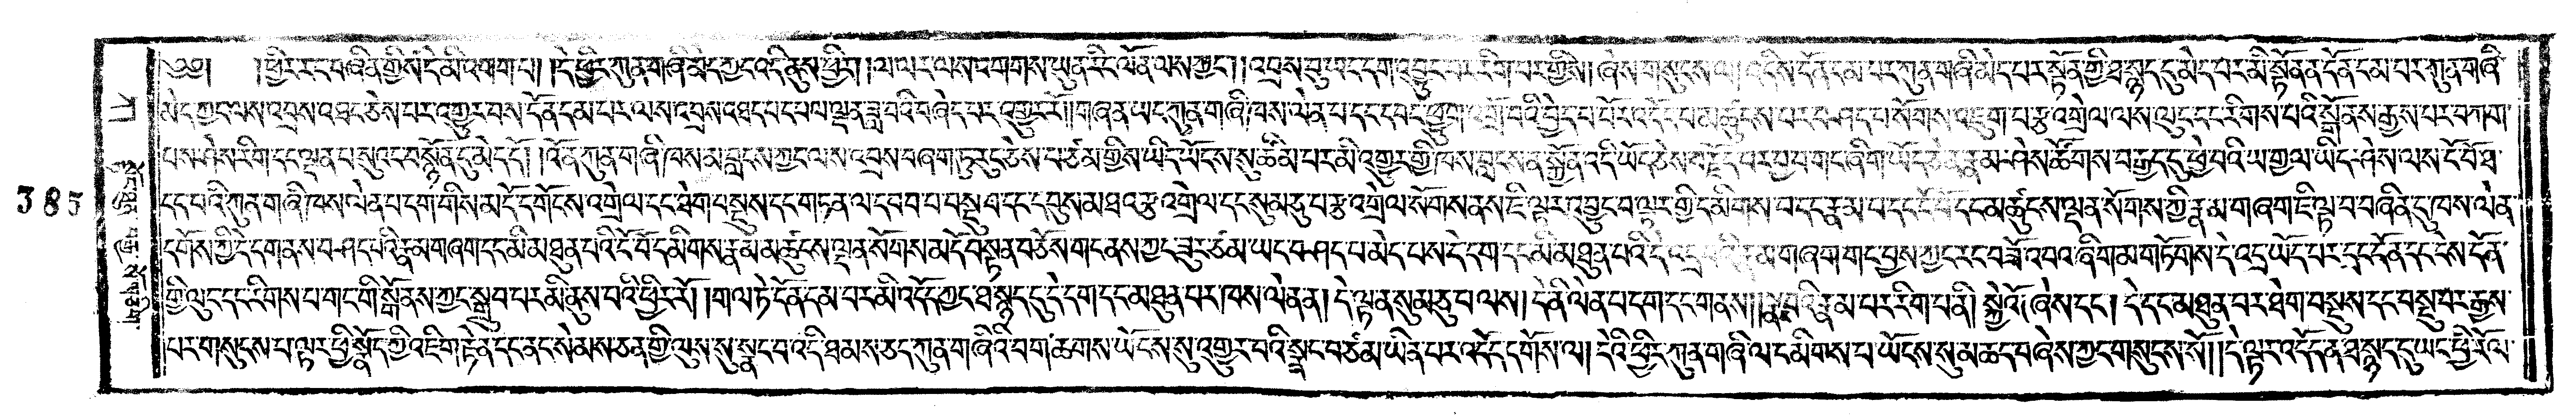༄༅། །ཕྱིར་རང་བཞིན་གྱིས་དེ་མི་འགག་པ། །དེ་ཕྱིར་ཀུན་གཞི་མེད་ཀྱང་འདི་ནུས་ཕྱིར། །ལ་ལར་ལས་འགགས་ཡུན་རིང་ལོན་ལས་ཀྱང་། །འབྲས་བུ་ཡང་དག་འབྱུང་བར་རིག་པར་གྱིས། ཞེས་གསུངས་ལ། འདིས་དོན་དམ་པར་ཀུན་གཞི་མེད་པར་སྟོན་གྱི་ཐ་སྙད་དུ་མེད་པར་མི་སྟོན་ན་དོན་དམ་པར་ཀུན་གཞི་
མེད་ཀྱང་ལས་འབྲས་འཐང་ཅེས་པར་འགྱུར་བས་དོན་དམ་པར་ལས་འབྲས་འཐང་པ་དཔལ་ལྡན་ཟླ་བའི་བཞེད་པར་འགྱུར་རོ། །གཞན་ཡང་ཀུན་གཞི་ཁས་ལེན་པ་དང་དབང་ཕྱུག་འགྲོ་བའི་བྱེད་པ་པོར་འདོད་པ་མཚུངས་པར་བཤད་པ་སོགས་འཇུག་པ་རྩ་འགྲེལ་ལས་ལུང་དང་རིགས་བའི་སྒོ་ནས་རྒྱས་པར་བཀག་
པས་ཤེས་རིག་དང་ལྡན་པ་སུའང་བསྙོན་དུ་མེད་དོ། །འོ་ན་ཀུན་གཞི་ཁས་མ་བླངས་ཀྱང་ལས་འབྲས་བཞག་ཏུ་རུང་ཅེས་པ་ཙམ་གྱིས་ཡིད་ཡོངས་སུ་ཚིམ་པར་མི་འགྱུར་གྱི་ཁས་བླངས་ན་སྐྱོན་འདི་ཡོད་ཅེས་བརྗོད་པར་བྱ་བ་གང་ཞིག་ཡོད་ཅེ་ན་རྣམ་ཤེས་ཚོགས་བརྒྱད་དུ་ཕྱེ་བའི་ཡ་གྱལ་ཡིད་ཤེས་ལས་ངོ་བོ་ཐ་
དད་པའི་ཀུན་གཞི་ཁས་ལེན་པ་དག་གིས་མདོ་དགོངས་འགྲེལ་དང་ཐེག་བསྡུས་དང་གཏན་ལ་དབབ་བ་བསྡུས་བ་དང་དབུས་མཐའ་རྩ་འགྲེལ་དང་སུམ་ཅུ་པ་རྩ་འགྲེལ་སོགས་ནས་ཇི་ལྟར་འབྱུང་བ་ལྟར་གྱི་དམིགས་བ་དང་རྣམ་པ་དང་ངོ་བོ་དང་མཚུངས་ལྡན་སོགས་ཀྱི་རྣམ་གཞག་ཇི་ལྟ་བ་བཞིན་དུ་ཁས་ལེན་
དགོས་ཀྱི་དེ་དག་ནས་བཤད་པའི་རྣམ་གཞག་དང་མི་མཐུན་པའི་ངོ་བོ་དམིགས་རྣམ་མཚུངས་ལྡན་སོགས་མདོ་བསྟན་བཅོས་གང་ནས་ཀྱང་ཟུར་ཙམ་ཡང་བཤད་པ་མེད་པས་དེ་དག་དང་མི་མཐུན་པའི་དེ་འདྲ་བའི་རྣམ་གཞག་གང་བྱས་ཀྱང་རང་བཟོ་འབའ་ཞིག་མ་གཏོགས་དེ་འདྲ་ཡོད་པར་དྲང་དོན་དང་ངེས་དོན་
གྱི་ལུང་དང་རིགས་པ་གང་གི་སྒོ་ནས་ཀྱང་སྒྲུབ་པར་མི་ནུས་བའི་ཕྱིར་རོ། །གལ་ཏེ་དོན་དམ་བར་མི་འདོད་ཀྱང་ཐ་སྙད་དུ་དེ་དག་དང་མཐུན་པར་ཁས་ལེན་ན། དེ་ལྟ་ན་སུམ་ཅུ་བ་ལས། དེ་ནི་ལེན་པ་དག་དང་གནས། །སྣང་བའི་རྣམ་པར་རིག་པ་ནི། སྐྱེའོ༑ ཞེས་དང་། དེ་དང་མཐུན་བར་ཐེག་བསྡུས་དང་བསྡུ་བར་རྒྱས་
པར་གསུངས་པ་ལྟར་ཕྱི་སྣོད་ཀྱི་འཇིག་རྟེན་དང་ནང་སེམས་ཅན་གྱི་ལུས་སུ་སྣང་བ་འདི་ཐམས་ཅད་ཀུན་གཞིའི་བག་ཆགས་ཡོངས་སུ་འགྱུར་བའི་སྣང་བ་ཙམ་ཡིན་པར་འདོད་དགོས་ལ། དེའི་ཕྱིར་ཀུན་གཞི་ལ་དམིགས་པ་ཡོངས་སུ་མཆད་བཞེས་ཀྱང་གསུངས་སོ། །དེ་ལྟར་འདོད་ན་ཐ་སྙད་དུ་ཡང་ཕྱི་རོལ་